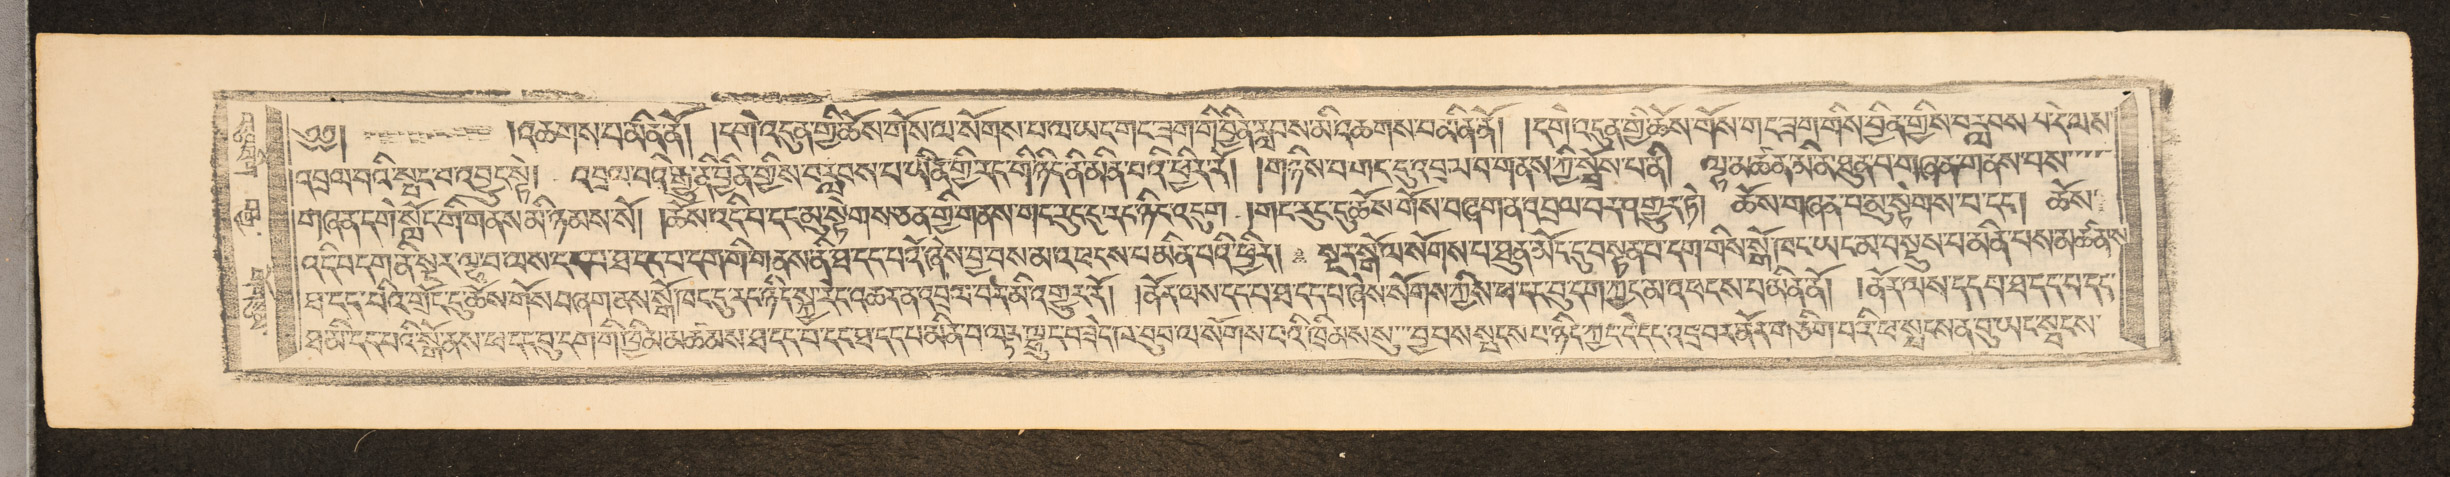༄༅། །འཆགས་པ་མིན་ནོ། །དགེ་འདུན་གྱི་ཆོས་གོས་ལ་སོགས་པ་ལ་ཡང་གང་ཟག་གི་བྱིན་རླབས་མི་འཆགས་པ་མིན་ནོ། །དགེ་འདུན་གྱི་ཆོས་གོས་གང་ཟག་གིས་བྱིན་གྱིས་བརླབས་པ་དེ་ལས་
འབྲལ་བའི་སྤང་བ་འབྱུང་སྟེ། འབྲལ་བའི་རྒྱུ་ནི་བྱིན་གྱིས་བརླབས་པ་ཡིན་གྱི་རང་གི་ཉིད་ནི་མིན་པའི་ཕྱིར་རོ། །གཉིས་པ་གང་དུ་འབྲལ་བ་གནས་ཀྱི་སྤྲོས་པ་ནི། ལྟ་མཚན་མི་མཐུན་པ་གཞན་གནས་པས་
གཞན་དགེ་སློང་གི་གནས་མི་ཉམས་སོ། །ཆོས་འདི་པ་དང་མུ་སྟེགས་ཅན་གྱི་གནས་གང་རུང་དུ་རང་ཉིད་འདུག །གང་རུང་དུ་ཆོས་གོས་བཞག་ན་འབྲལ་བར་འགྱུར་ཏེ། ཆོས་གཞན་པ་མུ་སྟེགས་པ་དང་། ཆོས་
འདི་བདག་ནི་སྔར་ལྟ་བ་ལས་དང་པ་ཐ་དད་པ་དག་གི་གནས་ནི་ཐ་དང་པའོ་ཞེས་བྱ་བས་མ་འཕངས་པ་མིན་པའི་ཕྱིར། སྔར་སྒོ་ལ་སོགས་པ་ཐུན་མོང་དུ་བསྟན་པ་དག་གིས་སྒོ་ལང་ཡང་མ་བསྡུས་པ་མིན་པས་མཚམས་
ཐ་དད་པའི་གྲོང་དུ་ཆོས་གོས་བཞག་ནས་སྒོ་ཁང་དུ་རང་ཉིད་སྐྱ་རེང་འཆར་ན་འབྲལ་བར་མི་འགྱུར་རོ། །ནོར་ལས་དད་པ་ཐ་དད་པ་ཞེས་སོགས་ཀྱིས་ཕ་དང་བུ་དག་ཀྱང་མ་འཕངས་པ་མིན་ནོ། །ནོར་ལས་དད་པ་ཐ་དད་པ་དང་
ཐ་མི་དད་པའི་སྒོ་ནས་ཕ་དང་བུ་དག་གི་ཁྱིམ་མཚམས་ཐ་དད་པ་དང་ཐ་དད་པ་མིན་པ་ལྟར་ལྷུང་བཟེད་ཁ་བུབ་ལ་སོགས་པའི་ཁྲིམས་སུ་བྱ་བས་སྤངས་པ་ཉིད་ཀྱང་དེ་དང་འདྲ་བར་ནོར་གཅིག་པའི་ཕ་སྤངས་ན་བུ་ཡང་སྤངས་